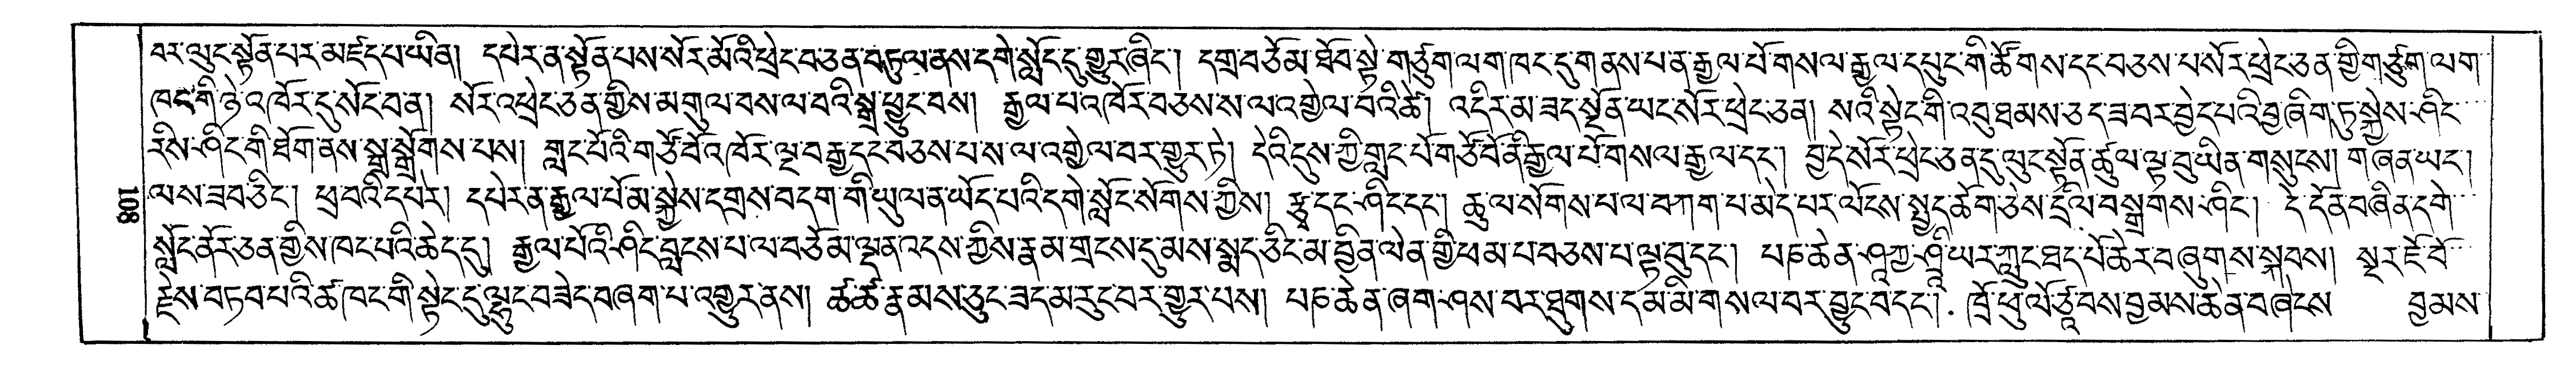བར་ལུང་སྟོན་པར་མཛད་པ་ཡིན། དཔེར་ན་སྟོན་པས་སོར་མོའི་ཕྲེང་བ་ཅན་བཏུལ་ནས་དགེ་སློང་དུ་གྱུར་ཞིང་། དགྲ་བཅོམ་ཐོབ་སྟེ་གཙུག་ལག་ཁང་དུ་གནས་པ་ན་རྒྱལ་པོ་གསལ་རྒྱལ་དཔུང་གི་ཚོགས་དང་བཅས་པ་སོར་ཕྲེང་ཅན་གྱི་གཙུག་ལག་
ཁང་གི་ཉེ་འཁོར་དུ་སོང་བ་ན། སོར་འཕྲེང་ཅན་གྱིས་མགུལ་བསལ་བའི་སྒྲ་ཕྱུང་བས། རྒྱལ་པོ་འཁོར་བཅས་ས་ལ་འགྱེལ་བའི་ཚེ། འདིར་མ་ཟད་སྔོན་ཡང་སོར་ཕྲེང་ཅན། སའི་སྟེང་གི་འབུ་ཐམས་ཅད་ཟ་བར་བྱེད་པའི་བྱ་ཞིག་ཏུ་སྐྱེས་ཤིང་
དེས་ཤིང་གི་ཐོག་ནས་སྒྲ་སྒྲོགས་པས། གླང་པོའི་གཙོ་པོ་འཁོར་ལྔ་བརྒྱ་དང་བཅས་པ་ས་ལ་འགྱེལ་བར་གྱུར་ཏེ། དེའི་དུས་ཀྱི་གླང་པོ་གཙོ་བོ་ནི་རྒྱལ་ཕོ་གསལ་རྒྱལ་དང་། བྱ་དེ་སོར་ཕྲེང་ཅན་དུ་ལུང་སྟོན་ཚུལ་ལྟ་བུ་ཡིན་གསུངས། གཞན་ཡང་།
ལས་ཟབ་ཅིང་། ཕྲ་བའི་དབར། དབེར་ན་རྒྱལ་བོ་མ་སྐྱེས་དགྲས་བདག་གི་ཡུལ་ན་ཡོད་པའི་དགེ་སློང་སོགས་ཀྱིས། རྩྭ་དང་ཤིང་དང་། ཆུ་ལ་སོགས་པ་ལ་བཀག་པ་མེད་པར་ལོངས་སྦྱད་ཆོག་ཅེས་དྲིལ་བསྒྲགས་ཤིང་། དེ་དོན་བཞིན་དགེ་
སློང་ནོར་ཅན་གྱིས་ཁང་བའི་ཆེད་དུ། རྒྱལ་པོའི་ཤིང་བླངས་བ་ལ་བཅོམ་ལྡན་འདས་ཀྱིས་རྣམ་གྲངས་དུ་མས་སྨད་ཅིང་མ་བྱིན་ལེན་གྱི་ཕམ་པ་བཅས་པ་ལྟ་བུ་དང་། པཎ་ཆེན་ཤཱཀྱ་ཤྲཱི་ཡར་ཀླུང་ཐང་པོ་ཆེར་བཞུགས་སྐབས། སྔར་ཇོ་བོ་
རྗེས་བཏབ་པའི་ཚ་ཁང་གི་སྟེང་དུ་ལྷུང་བཟེད་བཞག་པ་འགྱུར་ནས། ཚྭ་ཚྭ་རྣམས་ཅུང་ཟད་མ་རུང་བར་གྱུར་པས། པཎ་ཆེན་ཞག་ཤས་བར་ཐུགས་དམ་མི་གསལ་བར་བྱུང་བ་དང་། ཁྲོ་ཕུ་ལོ་ཙཱ་བས་བྱམས་ཆེན་བཞེངས་སྐབས་བྱམས་